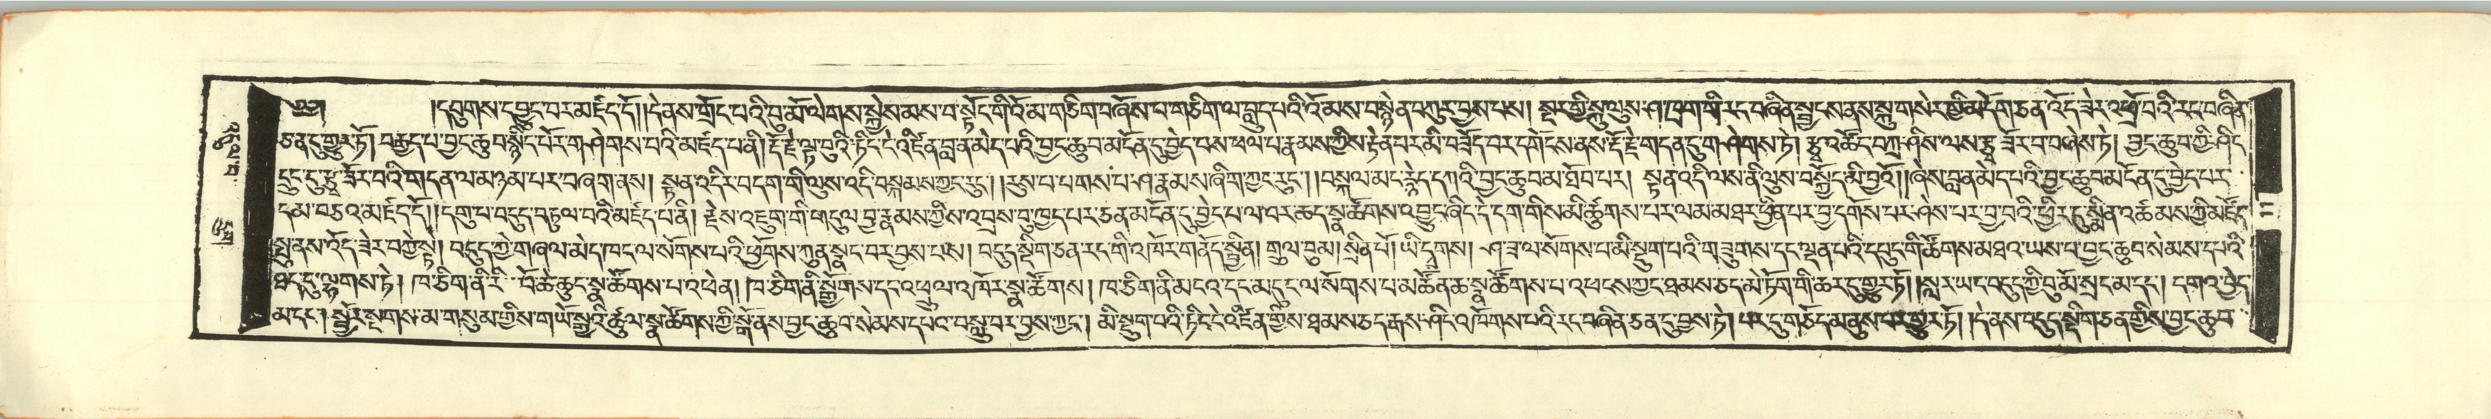༄༅། །དབུགས་དབྱུང་བར་མཛད་དོ། །དེ་ནས་གྲོང་པའི་བུ་མོ་ལེགས་སྐྱེས་མས་བ་སྟོང་གི་འོ་མ་གཅིག་བཞོས་པ་གཅིག་ལ་བླུད་པའི་འོ་མས་བསྙེན་བཀུར་བྱས་པས། སྔར་གྱི་སྐུ་ལུས་ཤ་ཁྲག་གི་རང་བཞིན་སྦྱངས་ནས་སྐུ་གསེར་གྱི་མདོག་ཅན་འོད་ཟེར་འཕྲོ་བའི་རང་བཞིན་
ཅན་དུ་གྱུར་ཏོ། བརྒྱད་པ་བྱང་ཆུབ་སྙིང་པོར་གཤེགས་པའི་མཛད་པ་ནི། རྡོ་རྗེ་ལྟ་བུའི་ཏིང་ངེ་འཛིན་བླ་ན་མེད་པའི་བྱང་ཆུབ་མངོན་དུ་བྱེད་བས་ཕལ་པ་རྣམས་ཀྱིས་རྟེན་པར་མི་བཟོད་པར་དགོངས་ནས་རྡོ་རྗེ་གདན་དུ་གཤེགས་ཏེ། རྩྭ་འཚོད་བཀྲ་ཤིས་ལས་རྩྭ་ཟོར་བ་བཞེས་ཏེ། བྱང་ཆུབ་ཀྱི་ཤིང་
དྲུང་དུ་རྩྭ་ཟོར་བའི་གདན་ལ་མཉམ་པར་བཞག་ནས། སྟན་འདིར་བདག་གི་ལུས་འདི་བསྐམས་ཀྱང་རུང་། །རུས་པ་པགས་པ་ཤ་རྣམས་ཞིག་ཀྱང་རུང་། །བསྐལ་མང་རྙེད་དཀའི་བྱང་ཆུབ་མ་ཐོབ་པར། སྟན་འདི་ལས་ནི་ལུས་བསྐྱོད་མི་བྱའོ། །ཞེས་བླ་ན་མེད་པའི་བྱང་ཆུབ་མངོན་དུ་བྱེད་པར་
དམ་བཅའ་མཛད་དོ། །དགུ་པ་བདུད་བཏུལ་བའི་མཛད་པ་ནི། རྗེས་འཇུག་གི་གདུལ་བྱ་རྣམས་ཀྱིས་འབྲས་བུ་ཁྱད་པར་ཅན་མངོན་དུ་བྱེད་པ་ལ་བར་ཆད་སྣ་ཚོགས་འབྱུང་ཞིང་དེ་དག་གིས་མི་ཚུགས་པར་ལམ་མཐར་ཕྱིན་པར་བྱ་དགོས་པར་ཤེས་པར་བྱ་བའི་ཕྱིར་དུ་སྨིན་འཚམས་ཀྱི་མཛོད་
སྤུ་ནས་འོད་ཟེར་བཀྱེ་སྟེ། བདུད་ཀྱི་གཞལ་མེད་ཁང་ལ་སོགས་པའི་ཕྱོགས་ཀུན་སྣང་བར་བྱས་པས། བདུད་སྡིག་ཅན་རང་གི་འཁོར་གནོད་སྦྱིན། གྲུལ་བུམ། སྲིན་པོ། ཡི་དྭགས། ཤ་ཟ་ལ་སོགས་པ་མི་སྡུག་པའི་གཟུགས་དང་ལྡན་པའི་དཔུང་གི་ཚོགས་མཐའ་ཡས་པ་བྱང་ཆུབ་སེམས་དཔའི་
ཐད་དུ་ལྷགས་ཏེ། ཁ་ཅིག་ནི་རི་བོ་ཆེ་ཆུང་སྣ་ཚོགས་པ་འཕེན། ཁ་ཅིག་ནི་སྒྱོགས་དང་འཕྲུལ་འཁོར་སྣ་ཚོགས། ཁ་ཅིག་ནི་མངའ་དང་མདུང་ལ་སོགས་པ་མཚོན་ཆ་སྣ་ཚོགས་པ་འཕངས་ཀྱང་ཐམས་ཅད་མེ་ཏོག་གི་ཆར་དུ་གྱུར་ཏོ། །སླར་ཡང་བདུད་ཀྱི་བུ་མོ་སྲང་མ་དང་། དགའ་བྱེད་
མ་དང་། སྦྱོར་སྔགས་མ་གསུམ་གྱིས་གཡོ་སྒྱའི་ཚུལ་སྣ་ཚོགས་ཀྱི་སྒོ་ནས་བྱང་ཆུབ་སེམས་དཔའ་བསླུ་བར་བྱས་ཀྱང་། མི་སྡུག་པའི་ཏིང་ངེ་འཛིན་གྱིས་ཐམས་ཅད་རྒས་ཤིང་འཁོགས་པའི་རང་བཞིན་ཅན་དུ་བྱས་ཏེ། པར་དུ་གཅོད་མ་ནུས་པར་གྱུར་ཏོ། །དེ་ནས་བདུད་སྡིག་ཅན་གྱིས་བྱང་ཆུབ་